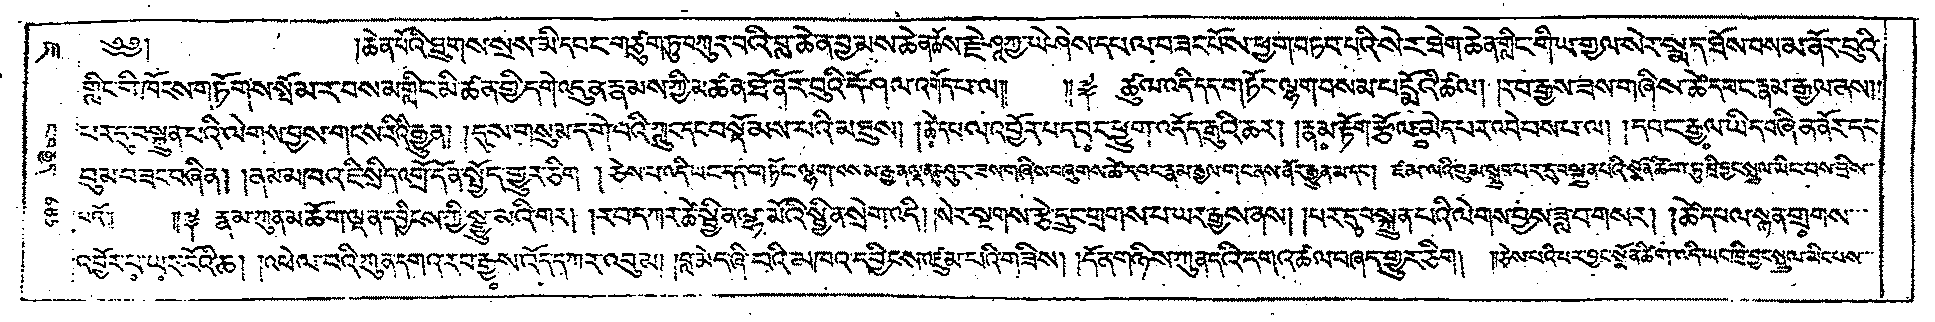༄༅། །ཆེན་པོའི་ཐུགས་སྲས་མི་དབང་གཙུག་ཏུ་བཀུར་བའི་བླ་ཆེན་བྱམས་ཆེན་ཆོས་རྗེ་ཤཱཀྱ་ཡེ་ཤེས་དཔལ་བཟང་པོས་ཕྱག་བཏབ་པའི་སེ་ར་ཐེག་ཆེན་གླིང་གི་ཡ་གྱལ་སེར་སྨད་ཐོས་བསམ་ནོར་བུའི་
གླིང་གི་ཁོངས་གཏོགས་སྤོམ་ར་བསམ་གླིང་མི་ཚན་གྱི་དགེ་འདུན་རྣམས་ཀྱི་མཚན་ཐོ་ནོར་བུའི་དོ་ཤལ་འགོད་པ་ལ།། །།༈ ཚུལ་འདི་དད་གཏོང་ལྷག་བསམ་པདམོའི་ཚལ། །རབ་རྒྱས་ཟས་གཞིས་ཚེ་དབང་རྣམ་རྒྱལ་ནས། །
པར་དུ་བསྐྲུན་པའི་ལེགས་བྱས་གངས་རིའི་རྒྱུན། །དུས་གསུམ་དགེ་བའི་ཀླུང་དང་བསྡོམས་པའི་མཐུས། །ཚེ྾་དཔལ་འབྱོར་པ་དབང྾་ཕྱུག་འདོད་རྒུའི་ཆར། །རྣམ྾་རྟོག་རྩོལ་བ་མེད་པར་འབེབས་པ་ལ། །དབང་རྒྱལ྾་ཡིད་བཞིན་ནོར་དང་
བུམ་བཟང་བཞིན། །ནམ་མཁའ་ཇི་སྲིད་འགྲོ་དོན་སྤྱོད་གྱུར་ཅིག །ཅེས་པ་འདི་ཡང་དད་གཏོང་ལྷག་བསམ་རྒྱན་ལྡན་ཆུ་ཤུར་ཟས་གཞིས་བཞུགས་ཚེ་དབང་རྣམ་རྒྱལ་གང་ནས་ནོར་རྒྱུན་མ་དང་། ཛམ་ལའི་བུམ་སྒྲུབ་པར་དུ་བསྐྲུན་པའི་སྨོན་ཚིག་ཏུ་ཁྲི་བྱང་སྤྲུལ་མིང་བས་བྲིས་
པའོ།། །།༈ རྣམ་ཀུན་མཆོག་ལྡན་དབྱིངས་ཀྱི་སྒྱུ་མའི་གར། །རབ་དཀར་ཚེ་སྦྱིན་ལྷ་མོའི་སྦྱིན་སྲེག་འདི། །སེར་སྔགས་རྩེ་དྲུང་གྲགས་པ་ཡར་རྒྱས་ནས། །པར་དུ་བསྐྲུན་པའི་ལེགས་བྱས་ཟླ་བ་གསར། །ཚེ་དཔལ་སྙན་གྲགས྾་
འབྱོར་པ྾་ཡར྾་ངོའི་ཆ། །འཕེལ་བའི་ཀུན་དགའ་རབ་རྒྱས྾་འོད་དཀར་འབུམ། །བླ་མེད་ཞི་བའི་མཁའ་དབྱིངས་འཛུམ་པའི་གཟིས། །དོན་གཉིས་ཀུན་དའི་དགའ་ཚལ་བཞད་གྱུར་ཅིག ། །།ཅེས་པའི་པར་བྱང་སྨོན་ཚིག་འདི་ཡང་ཁྲི་བྱང་སྤྲུལ་མིང་པས་